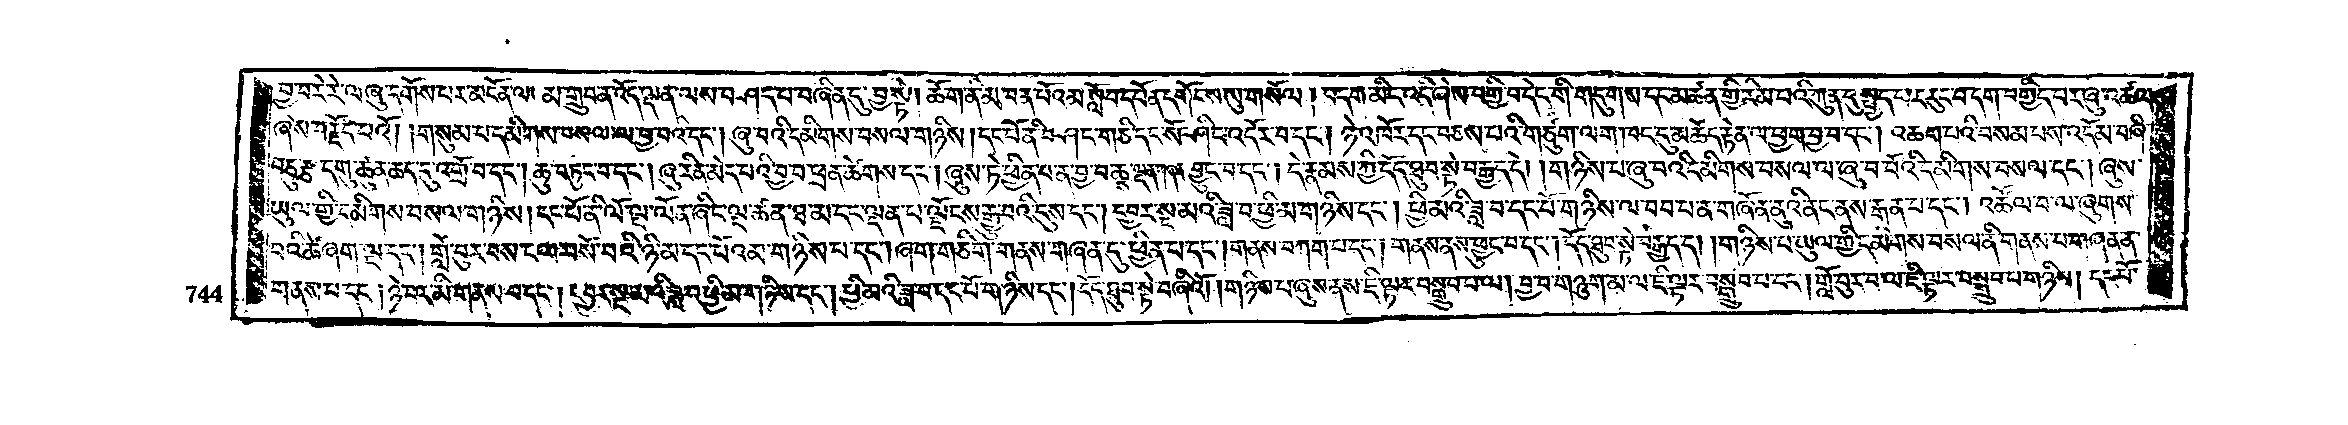བྱ་བ་རེ་རེ་ལ་ཞུ་དགོས་པར་མངོན་ལ། མ་གྲུབ་ན་འོད་ལྡན་ལས་བཤད་པ་བཞིན་དུ་བྱ་སྟེ། ཆོ་ག་ནི་མཁན་པོའམ་སློབ་དཔོན་དགོངས་སུ་གསོལ། བདག་མིང་འདི་ཞེས་བགྱི་བ་དེང་གི་གདུགས་དང་མཚན་གྱི་རིམ་པའི་ཀུན་དུ་སྤྱད་པར་རུང་བ་དག་བགྱིད་པར་ཞུ་འཚལ་
ཞེས་བརྗོད་པའོ། །གསུམ་པ་དམིགས་བསལ་ལ་བྱ་བའི་དང་། ཞུ་བའི་དམིགས་བསལ་གཉིས། དང་པོ་ནི་བཤད་གཅི་དང་སོ་ཤིང་འདོར་བ་དང་། ཉེ་འཁོར་དང་བཅས་པའི་གཙུག་ལག་ཁང་དུ་མཆོད་རྟེན་ལ་ཕྱག་བྱ་བ་དང་། འཆག་པའི་བསམ་པས་འདོམ་བཞི་
བཅུ་རྩ་དགུ་ཚུན་ཆད་དུ་འགྲོ་བ་དང་། ཆུ་བཏུང་བ་དང་། ཞུ་རིན་མེད་པའི་བྱ་བ་ཕྲན་ཚེགས་དང་། ཞུས་ཏེ་ཕྱིན་པ་ན་བྱ་བ་ཆས་ལྡན་གཞན་བྱུང་བ་དང་། དེ་རྣམས་ཀྱི་དོད་ཐུབ་སྟེ་བརྒྱད་དེ། །གཉིས་པ་ཞུ་བའི་དམིགས་བསལ་ལ་ཞུ་བ་བོའི་དམིགས་བསལ་དང་། ཞུས་
ཡུལ་གྱི་དམིགས་བསལ་གཉིས། དང་པོ་ནི་ལོ་ལྔ་ལོན་ཞིང་ལྔ་ཚན་ཐ་མ་དང་ལྡན་པ་ལྗོངས་རྒྱུ་བའི་དུས་དང་། དབྱར་སྔ་མའི་ཟླ་བ་ཕྱི་མ་གཉིས་དང་། ཕྱི་མའི་ཟླ་བ་དང་པོ་གཉིས་ལ་བབ་པ་ན་གཞོན་ནུའི་ནང་ནས་རྒན་པ་དང་། འཚོལ་བ་ལ་ཞུགས་
བའི་ཚེ་ཞག་ལྔ་དང་། གློ་བུར་བས་ངལ་བསོ་བའི་ཉི་མ་དང་པོའམ་གཉིས་པ་དང་། ཞག་གཅིག་གནས་གཞན་དུ་ཕྱིན་པ་དང་། གནས་བཀག་པ་དང་། གནས་ནས་ཕྱུང་བ་དང་། དོད་ཐུབ་སྟེ་བརྒྱད་དེ། །གཉིས་པ་ཡུལ་གྱི་དམིགས་བསལ་ནི་གནས་པ་གཞན་ན་
གནས་པ་དང་། ཉེ་བར་མི་གནས་པ་དང་། དབྱར་སྔ་མའི་ཟླ་བ་ཕྱི་མ་གཉིས་དང་། ཕྱི་མའི་ཟླ་བ་དང་པོ་གཉིས་དང་། དོད་ཐུབ་སྟེ་བཞིའོ། །གཉིས་པ་ཞུས་ནས་ཇི་ལྟར་བསྒྲུབ་པ་ལ། བྱ་བ་གཉུག་མ་ལ་ཇི་ལྟར་བསྒྲུབ་པ་དང་། གློ་བུར་བ་ལ་ཇི་ལྟར་བསྒྲུབ་པ་གཉིས། དང་པོ་